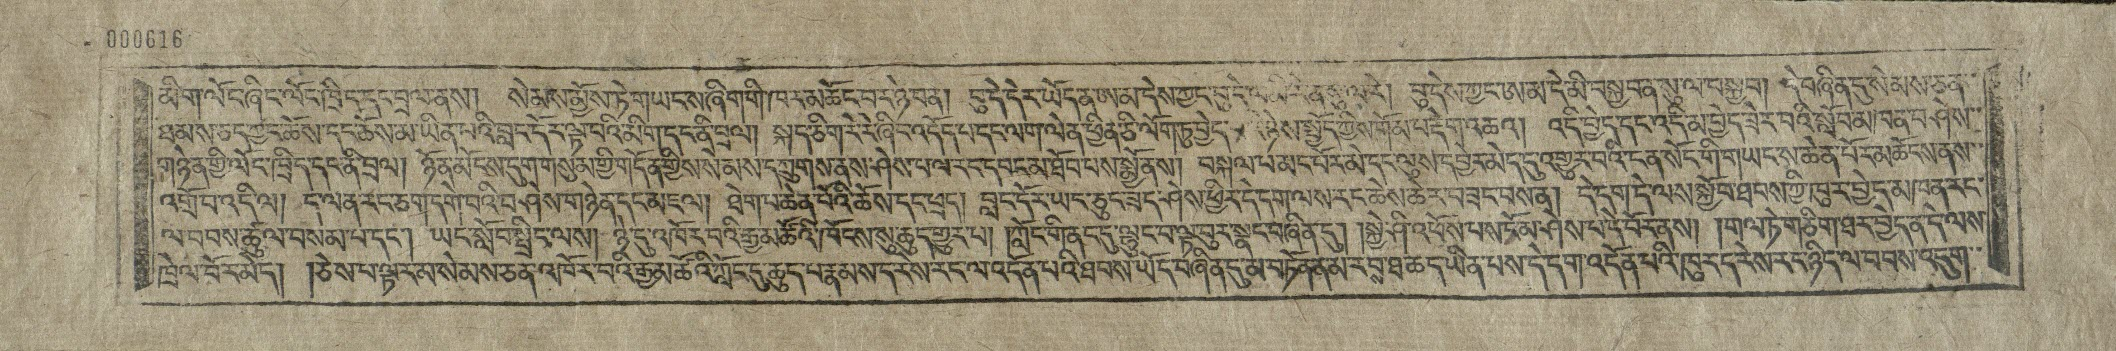མིག་ལོང་ཞིང་ལོང་ཁྲིད་དང་བྲལ་ནས། སེམས་མྱོས་ཏེ་གཡང་ས་ཞིག་གི་ཁར་མཆོང་བར་ཉེ་བ་ན། བུ་དེ་དེར་ཡོད་ན་ཨ་མ་དེས་ཀྱང་བུ་དེ་ལ་མི་རེ་ན་སུ་ལ་རེ། བུ་དེས་ཀྱང་ཨ་མ་དེ་མི་བསྐྱབ་ན་སུ་ལ་བསྐྱབ། དེ་བཞིན་དུ་སེམས་ཅན་
ཐམས་ཅད་ཀྱང་ཆོས་དང་ཆོས་མ་ཡིན་པའི་བླང་དོར་ལྟ་བའི་མིག་དང་ནི་བྲལ། སྐད་ཅིག་རེ་རེ་ཞིང་འདོད་པ་དང་ལག་ལེན་ཕྱིན་ཅི་ལོག་ཏུ་བྱེད་པའི་ཉེས་སྤྱོད་ཀྱིས་གོམ་པ་རྡེག་འཆའ། འདི་བྱེད་དང་འདི་མ་བྱེད་ཟེར་བའི་སློབ་མཁན་བཤེས་
གཉེན་གྱི་ལོང་ཁྲིད་དང་ནི་བྲལ། ཉོན་མོངས་དུག་གསུམ་གྱི་གདོན་གྱིས་སེམས་དཀྲུགས་ནས་ཤེས་པ་ལ་རང་དབང་མ་ཐོབ་པས་སྨྱོ་ནས། བསྐལ་པ་མང་པོར་མེ་དང་ལུས་དབྱེར་མེད་དུ་འགྱུར་བའི་ངན་སོང་གི་གཡང་ས་ཆེན་པོར་མཆོངས་ནས་
འགྲོ་བ་འདི་ལ། ད་ལན་རང་ཅག་དགེ་བའི་བཤེས་གཉེན་དང་མཇལ། ཐེག་པ་ཆེན་པོའི་ཆོས་དང་ཕྲད། བླང་དོར་ཡང་ཅུང་ཟད་ཤེས་ཕྱིར་དེ་དག་ལས་རང་ཆེས་ཆེར་བཟང་བས་ན། དེ་དག་དེ་ལས་སྐྱོབ་ཐབས་ཀྱི་ཁུར་བྱེད་མཁན་རང་
ལ་བབས་ཚུལ་བསམ་པ་དང་། ཡང་སློབ་སྤྲིང་ལས། ཉེ་དུ་འཁོར་བའི་རྒྱ་མཚོའི་ཁོངས་སུ་ཆུད་གྱུར་པ། །ཀློང་གི་ནང་དུ་ལྷུང་བ་ལྟ་བུར་སྣང་བཞིན་དུ། །སྐྱེ་ཤི་འཕོས་པས་ངོ་མ་ཤེས་པ་དེ་བོར་ནས། །གལ་ཏེ་གཅིག་ཐར་བྱེད་ན་དེ་ལས་
ཁྲེལ་བོར་མེད། །ཅེས་པ་ལྟར་མ་སེམས་ཅན་འཁོར་བའི་རྒྱ་མཚོའི་ཀློང་དུ་ཆུད་པ་རྣམས་ད་རེས་རང་ལ་འདོན་པའི་ཐབས་ཡོད་བཞིན་དུ་མ་བཏོན་ན་མ་རབས་ཐ་ཆད་ཡིན་པས་དེ་དག་འདོན་པའི་ཁུར་ད་རེས་རང་ཉིད་ལ་བབས་འདུག་